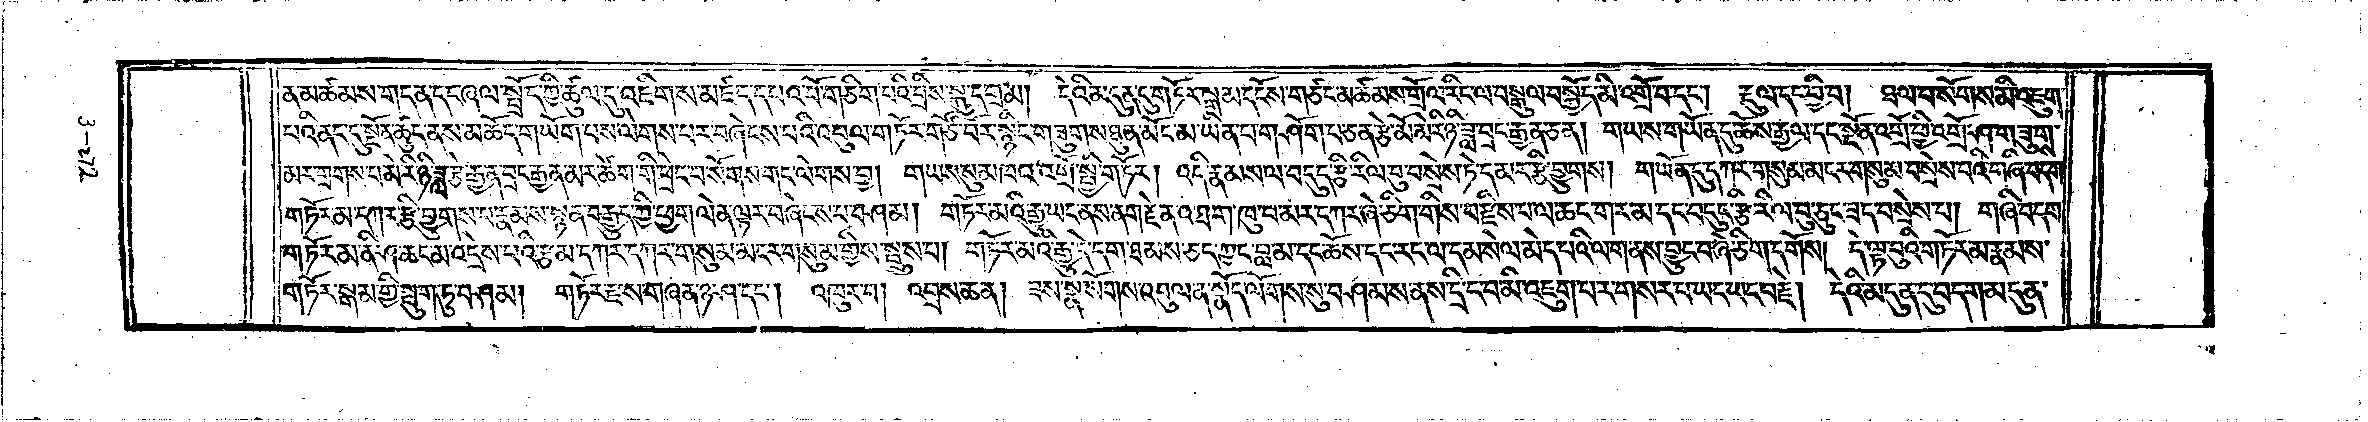ན་མཚམས་གདན་དང་ཞལ་སྤྲོད་ཀྱི་ཚུལ་དུ་འཇིགས་མཛད་དཔའ་བོ་གཅིག་པའི་བྲིས་སྐུད་པྲ་མ། དེའི་མདུན་དུ་གཏོར་སྒྲ་མ་དངོས་གཙང་མཚམས་གྲོལ་རིང་ལ་བསྒུལ་བསྐྱོད་མི་འགྲོ་བ་དང་། རྡུལ་དང་བྱི་བ། ཐལ་བ་སོགས་མི་འཇུག་
པའི་ནང་དུ་སྔོན་ཚུང་ནས་མཆོད་གཡོག་པས་ལེགས་པར་བཞེངས་པའི་འབུལ་གཏོར་གཙོ་བོར་སྙིང་གཟུགས་ཐུན་མོང་མ་ཡིན་པ་གཤོག་པ་ཅན་རྩེ་མོ་མེ་རི་ཉི་ཟླ་བ་རང་རྒྱན་ཅན། གཡས་གཡོན་དུ་ཆོས་རྒྱལ་དང་སྔོན་འགྲོ་ཕྱི་འགྲོ་ཤ་གཟུགས་
མར་གྲགས་པ་མེ་རི་ཉི་ཟླ་རྩེ་རྒྱན་བྲང་རྒྱན་མར་ཚིག་གི་ཕྲེང་བ་སོགས་གང་ལེགས་བྱ། གཡས་སུ་མཁའ་འགྲོ་སྤྱི་གཏོར། འདི་རྣམས་ལ་བདུད་རྩི་རིལ་བུ་བསྲེས་ཏེ་དམར་རྩི་བྱུགས། གཡོན་དུ་དཀར་གསུམ་མངར་གསུམ་བསྲེས་པའི་གཞི་བདག་
གཏོར་མ་དཀར་རྩི་བྱུགས་པ་རྣམས་སྙན་བརྒྱུད་ཀྱི་ཕྱག་ལེན་ལྟར་བཞེངས་པ་བཤམ། གཏོར་མའི་རྒྱུ་ཡང་ནས་ནག་རྗེན་འཐག་ཁུ་བ་མར་དཀར་ཞེ་ཅིག་གིས་བརྫིས་པ་ལ་ཆང་གར་མ་དང་བདུད་རྩི་རིལ་བུ་ཅུང་ཟད་བསྲེས་པ། གཞི་བདག་
གཏོར་མ་ནི་ཤ་ཆང་མ་འདྲེས་པའི་རྩ་མ་དཀར་དཀར་གསུམ་མངར་གསུམ་གྱིས་སྦྲུས་པ། གཏོར་མའི་རྒྱུད་དེ་དག་ཐམས་ཅད་ཀྱང་བླ་མ་དང་ཆོས་དང་རང་ལ་དམ་སེལ་མེད་པའི་ལག་ནས་བྱུང་ཞི་ཅིག་དགོས། དེ་ལྟ་བུའི་གཏོར་མ་རྣམས་
གཏོར་སྒམ་གྱི་སྦུག་ཏུ་བཤམ། གཏོར་རྫས་གཞན་ཉ་ཤ་དང་། འཁུར་བ། འབྲས་ཆན། ཟས་སྣ་སོགས་འབུལ་ན་སྣོད་སོགས་སུ་བཤམས་ནས་དྲིང་བ་མི་འཇུག་པར་གསར་པ་ཡང་ཡང་བརྗེ། དེའི་མདུན་དུ་བདག་མདུན་